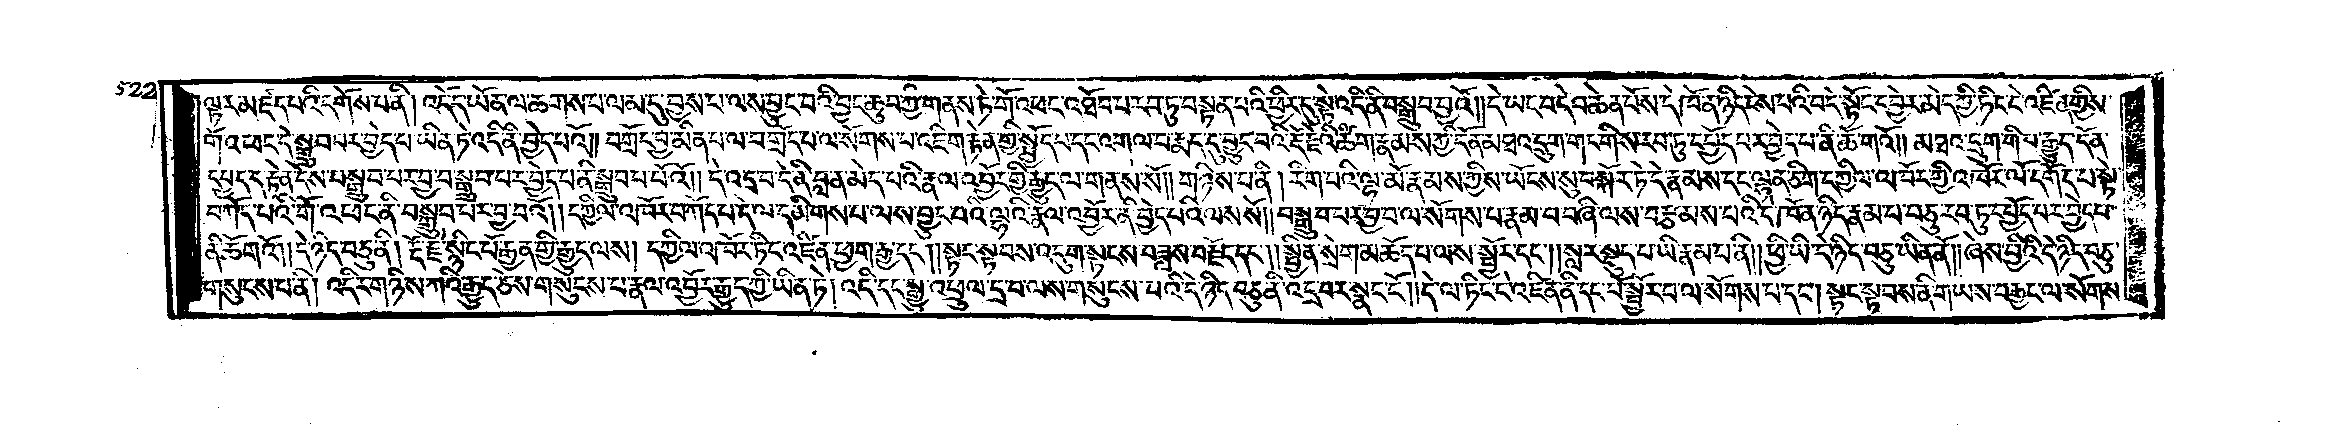ལྟར་མཛད་པའི་དགོས་པ་ནི། འདོད་ཡོན་ལ་ཆགས་པ་ལམ་དུ་བྱས་པ་ལས་བྱུང་བའི་བྱང་ཆུབ་ཀྱི་གནས་ཏེ་གོ་འཕང་འཐོབ་པ་རབ་ཏུ་བསྟན་པའི་ཕྱིར་དུ་སྟེ་འདི་ནི་བསྒྲུབ་བྱའོ། །དེ་ཡང་བདེ་བ་ཆེན་པོས་དེ་ཁོ་ན་ཉིད་ངེས་པའི་བདེ་སྟོང་དབྱེར་མེད་ཀྱི་ཏིང་ངེ་འཛིན་གྱིས་
གོ་འཕང་དེ་སྒྲུབ་པར་བྱེད་པ་ཡིན་ཏེ་འདི་ནི་བྱེད་པའོ། །བགྲོང་བྱ་མིན་པ་ལ་བགྲོད་པ་ལ་སོགས་པ་འཇིག་རྟེན་གྱི་སྤྱོད་པ་དང་འགལ་བ་རྨད་དུ་བྱུང་བའི་རྡོ་རྗེའི་ཚིག་རྣམས་ཀྱི་དོན་མཐའ་དྲུག་གང་གིས་རབ་ཏུ་དཔྱོད་པར་བྱེད་པ་ནི་ཆོ་གའོ། །མཐའ་དྲུག་གིས་རྒྱུད་དོན་
དཔྱད་ད་རྟེན་དེས་བསྒྲུབ་པར་བྱ་བ་སྒྲུབ་པར་བྱེད་པ་ནི་སྒྲུབ་པ་པོའོ། །དེ་འདྲ་བ་དེ་ནི་བླ་ན་མེད་པའི་རྣལ་འབྱོར་གྱི་རྒྱུད་ལ་གནས་སོ། །གཉིས་པ་ནི། རིག་པའི་ལྷ་མོ་རྣམས་ཀྱིས་ཡོངས་སུ་བསྐོར་ཏེ་དེ་རྣམས་དང་ལྷན་ཅིག་དཀྱིལ་འཁོར་གྱི་འཁོར་ལོ་དགོད་པ་སྟེ་
བཀོད་པའི་གོ་འཕང་ནི་བསྒྲུབ་པར་བྱ་བའོ། །དཀྱིལ་འཁོར་བཀོད་པ་དེ་ལ་དམིགས་པ་ལས་བྱུང་བའི་ལྷའི་རྣལ་འབྱོར་ནི་བྱེད་པའི་ལས་སོ། །བསྒྲུབ་པར་བྱ་བ་ལ་སོགས་པ་རྣམ་པ་བཞི་ལས་བརྩམས་པའི་དེ་ཁོ་ན་ཉིད་རྣམ་པ་བཅུ་རབ་ཏུ་དཔྱོད་པར་བྱེད་པ་
ནི་ཆོ་གའོ། །དེ་ཉིད་བཅུ་ནི། རྡོ་རྗེ་སྙིང་པོ་རྒྱན་གྱི་རྒྱུད་ལས། དཀྱིལ་འཁོར་ཏིང་འཛིན་ཕྱག་རྒྱ་དང་། །སྟང་སྟབས་འདུག་སྟངས་བཟླས་བརྗོད་དང་། །སྦྱིན་སྲེག་མཆོད་པ་ལས་སྦྱོར་དང་། །སླར་སྡུད་པ་ཡི་རྣམ་པ་ནི། །ཕྱི་ཡི་དེ་ཉིད་བཅུ་ཡིན་ནོ། །ཞེས་ཕྱིའི་དེ་ཉིད་བཅུ་
གསུངས་པ་ནི། འདིར་གཉིས་ཀའི་རྒྱུད་ཅེས་གསུངས་པ་རྣལ་འབྱོར་རྒྱུད་ཀྱི་ཡིན་ཏེ། འདི་དང་སྒྱུ་འཕྲུལ་དྲ་བ་ལས་གསུངས་པའི་དེ་ཉིད་བཅུ་ནི་འདྲ་བར་སྣང་ངོ། །དེ་ལ་ཏིང་ངེ་འཛིན་ནི་དང་པོ་སྦྱོར་བ་ལ་སོགས་པ་དང་། སྟང་སྟབས་ནི་གཡས་བརྐྱང་ལ་སོགས་